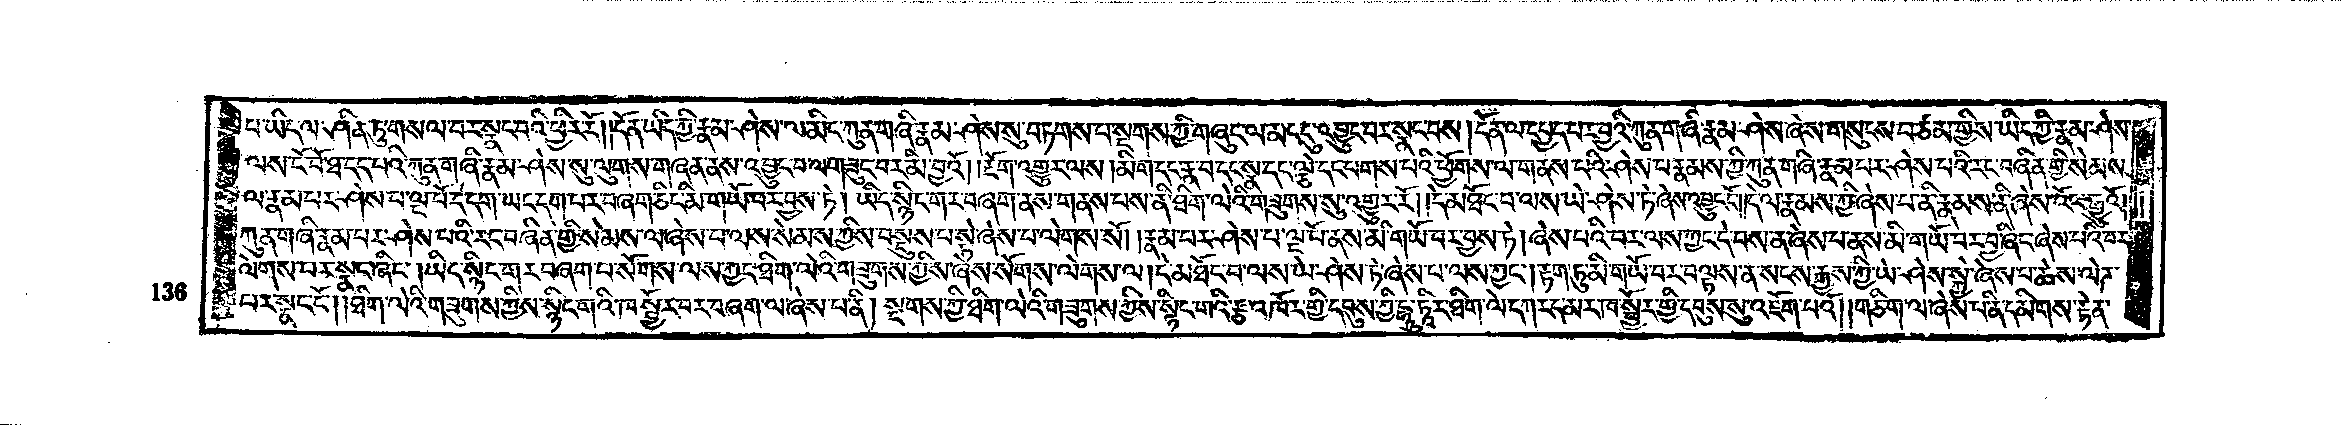པ་ཡིད་ལ་ཤིན་ཏུ་གསལ་བར་སྣང་བའི་ཕྱིར་རོ། །དོན་ཡིད་ཀྱི་རྣམ་ཤེས་ལ་མིང་ཀུན་གཞི་རྣམ་ཤེས་སུ་བཏགས་པ་སྔགས་ཀྱི་གཞུང་ལ་མང་དུ་འབྱུང་བར་སྣང་བས། དོན་ལ་དཔྱད་པར་བྱའི་ཀུན་གཞི་རྣམ་ཤེས་ཞེས་གསུངས་པ་ཙམ་གྱིས་ཡིད་ཀྱི་རྣམ་ཤེས་
ལས་ངོ་བོ་ཐ་དད་པའི་ཀུན་གཞི་རྣམ་ཤེས་སུ་ལུགས་གཞན་ནས་འབྱུང་བ་ལ་གཟུང་བར་མི་བྱའོ། །རྔོག་འགྱུར་ལས། མིག་དང་རྣ་བ་དང་སྣ་དང་ལྕེ་དང་པགས་པའི་ཕྱོགས་ལ་གནས་པའི་ཤེས་པ་རྣམས་ཀྱི་ཀུན་གཞི་རྣམ་པར་ཤེས་པའི་རང་བཞིན་གྱི་སེམས་
ལ་རྣམ་པར་ཤེས་པ་ལྔ་པོ་དེ་དག་ཡང་དག་པར་བཞག་ཅིང་མི་གཡོ་བར་བྱས་ཏེ། ཡིད་སྙིང་གར་བཞག་ནས་གནས་པས་ནི་ཐིག་ལེའི་གཟུགས་སུ་འགྱུར་རོ། །དེ་མཐོང་བ་ལས་ཡེ་ཤེས་ཏེ་ཞེས་འབྱུང་ངོ། །དེ་ལ་རྣམས་ཀྱི་ཞེས་པ་ནི་རྣམས་ནི་ཞེས་འོང་རྒྱུའོ།
ཀུན་གཞི་རྣམ་པར་ཤེས་པའི་རང་བཞིན་གྱི་སེམས་ལ་ཞེས་པ་ལས་སེམས་ཀྱིས་བསྡུས་པ་སྟེ་ཞེས་པ་ལེགས་སོ། །རྣམ་པར་ཤེས་པ་ལྔ་པོ་ནས་མི་གཡོ་བར་བྱས་ཏེ། ཞེས་པའི་བར་ལས་ཀྱང་དེ་བས་ན་ཞེས་པ་ནས་མི་གཡོ་བར་བྱ་ཞིང་ཞེས་པའི་བར་
ལེགས་པར་སྣང་ཞིང་། ཡིད་སྙིང་གར་བཞག་པ་སོགས་ལས་ཀྱང་ཐིག་ལེའི་གཟུགས་ཀྱིས་ཞེས་སོགས་ལེགས་ལ། དེ་མཐོང་བ་ལས་ཡེ་ཤེས་ཏེ་ཞེས་པ་ལས་ཀྱང་། རྟག་ཏུ་མི་གཡོ་བར་བལྟས་ན་སངས་རྒྱས་ཀྱི་ཡེ་ཤེས་སྐྱེ་ཞེས་པ་ཆེས་ལེགས་
པར་སྣང་ངོ། །ཐིག་ལེའི་གཟུགས་ཀྱིས་སྙིང་གའི་ཁ་སྦྱོར་བར་བཞག་ལ་ཞེས་པ་ནི། སྔགས་ཀྱི་ཐིག་ལེའི་གཟུགས་ཀྱིས་སྙིང་གའི་རྩ་འཁོར་གྱི་དབུས་ཀྱི་དྷཱུ་ཏཱིར་ཐིག་ལེ་དཀར་དམར་ཁ་སྦྱོར་གྱི་དབུས་སུ་འཇོག་པའོ། །གཅིག་ལ་ཞེས་པ་ནི་དམིགས་རྟེན་